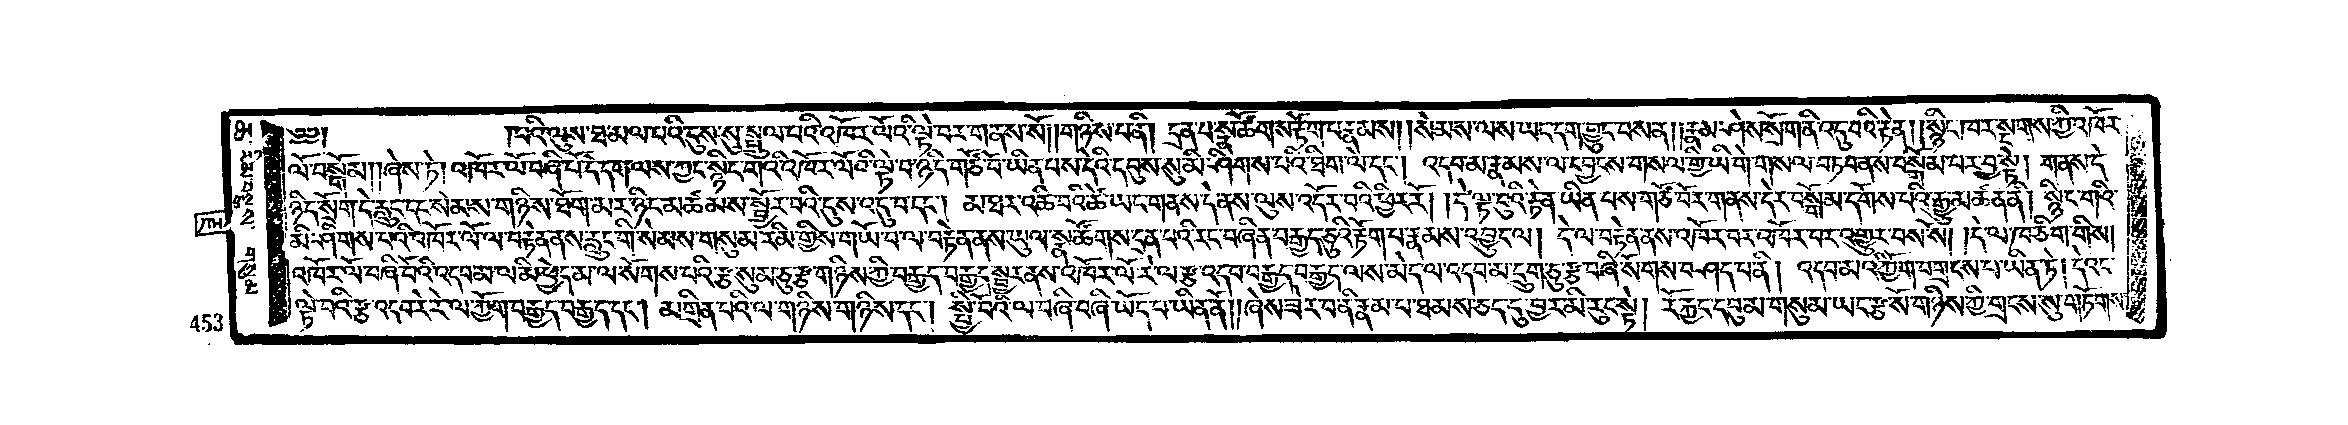༄༅། །པའི་ལུས་ཐ་མལ་པའི་དུས་སུ་སྤྲུལ་པའི་འཁོར་ལོའི་ལྟེ་བར་གནས་སོ། །གཉིས་པ་ནི། དྲན་པ་སྣ་ཚོགས་རྟོག་པ་རྣམས། །སེམས་ལས་ཡང་དག་བྱུང་བས་ན། །རྣམ་ཤེས་སྲོག་ནི་འདུ་བའི་རྟེན། །སྙིང་ཁར་སྔགས་ཀྱི་འཁོར་
ལོ་བསྒོམ། །ཞེས་ཏེ། འཁོར་ལོ་བཞི་པོ་དེ་དག་ལས་ཀྱང་སྙིང་གའི་འཁོར་ལོའི་ལྟེ་བ་ཉིད་གཙོ་བོ་ཡིན་པས་དེའི་དབུས་སུ་མི་ཤིགས་པའི་ཐིག་ལེ་དང་། འདབ་མ་རྣམས་ལ་དབྱངས་གསལ་གྱི་ཡི་གེ་གསལ་བཏབ་ནས་བསྒོམ་པར་བྱ་སྟེ། གནས་དེ་
ཉིད་སྲོག་དེ་རླུང་དང་སེམས་གཉིས་ཐོག་མར་ཉིད་མཚམས་སྦྱོར་བའི་དུས་འདུ་བ་དང་། མཐར་འཆི་བའི་ཚེ་ཡང་གནས་དེ་ནས་ལུས་འདོར་བའི་ཕྱིར་རོ། །དེ་ལྟ་བུའི་རྟེན་ཡིན་པས་གཙོ་བོར་གནས་དེར་བསྒོམ་དགོས་པའི་རྒྱུ་མཚན་ནི། སྙིང་གའི་
མི་ཤིགས་པའི་འཁོར་ལོ་ལ་བརྟེན་ནས་རླུང་གི་སེམས་གསུམ་རིམ་གྱིས་གཡོ་བ་ལ་བརྟེན་ནས་ཡུལ་སྣ་ཚོགས་དྲན་པའི་རང་བཞིན་བརྒྱད་ཅུའི་རྟོག་པ་རྣམས་འབྱུང་ལ། དེ་ལ་བརྟེན་ནས་འཁོར་བར་འཁོར་བར་འགྱུར་བས་སོ། །དེ་ལ་ཁ་ཅིག་གིས།
འཁོར་ལོ་བཞི་པོའི་འདབ་མ་ལ་མི་ཕྱེད་མ་ལ་སོགས་པའི་རྩ་སུམ་ཅུ་རྩ་གཉིས་ཀྱི་བརྒྱད་བརྒྱད་སྦྱར་ནས་འཁོར་ལོ་རེ་ལ་རྩ་འདབ་བརྒྱད་བརྒྱད་ལས་མེད་ལ་འདབ་མ་དྲུག་ཅུ་རྩ་བཞི་སོགས་བཤད་པ་ནི། འདབ་མའི་ཀྱོག་བགྲངས་པ་ཡིན་ཏེ། དེའང་
ལྟེ་བའི་རྩ་འདབ་རེ་རེ་ལ་ཀྱོག་བརྒྱད་བརྒྱད་དང་། མགྲིན་པའི་ལ་གཉིས་གཉིས་དང་། སྤྱི་བོའི་ལ་བཞི་བཞི་ཡོད་པ་ཡིན་ནོ། །ཞེས་ཟེར་བ་ནི་རྣམ་པ་ཐམས་ཅད་དུ་བྱར་མི་རུང་སྟེ། རོ་རྐྱང་དབུ་མ་གསུམ་ཡང་རྩ་སོ་གཉིས་ཀྱི་གྲངས་སུ་གཏོགས་